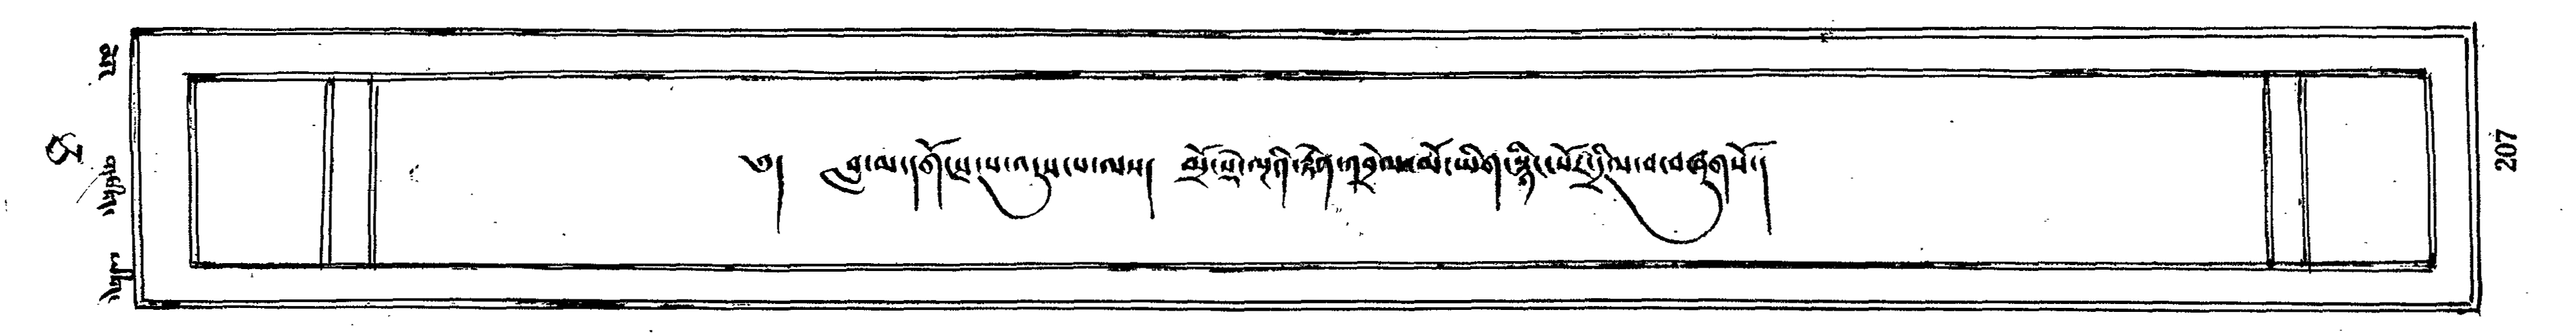༄༅། བླ་མ་དགོངས་པ་འདུས་པ་ལས། མཁའ་འགྲཽ་སྡེ་ལྔའི་རྟེན་འབྲཻལ་མོ་ཡིག་སྙིང་པོར་དྲིལ་བ་བཞུགས་སོ།།